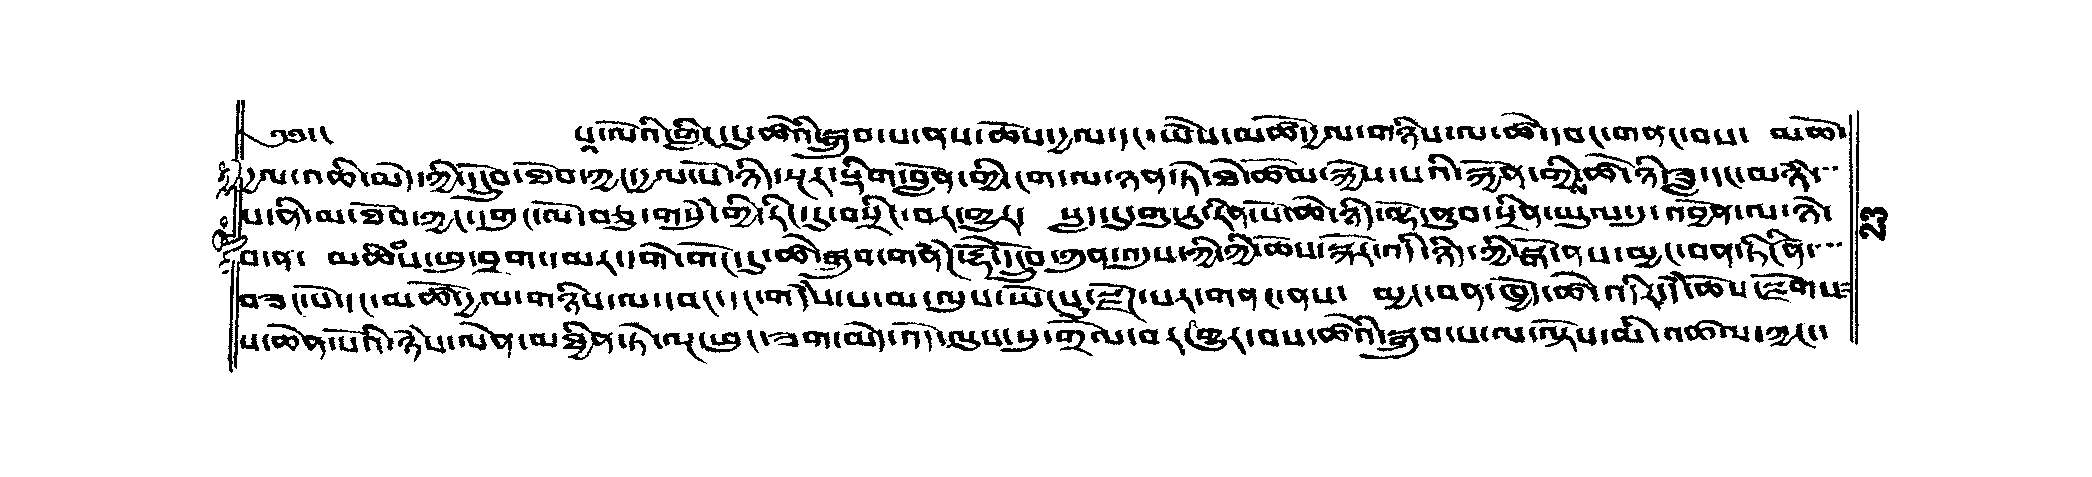པཱ་ལོའི་གླིང་དུ་ཚེའི་སྒྲུབ་པ་ནས་ཆོས་རྒྱལ་དང་ཡེ་ཤེས་མཚོ་རྻགལ་གཉིས་ལ་ཚེ་དབང་གནང་བས། མཚོ་
རྒྱལ་འཆི་མེད་ཀྱི་དངོས་གྲུབ་ཐོབ་ཀྱང་དགུང་ལོ་བཅུ་གསུམ་གྱི་རིང་དུ་བསྲིང་བར་གྱུར། 
པ་ནི་མ་ཐོབ་ཀྱང་དགུ་ལོ་བཅུ་གསུམ་གྱི་རིགས་དུ་བསྲིང་བར་གྱུར་ སླད་དུ་གུ་རུ་རིན་པོ་ཆེ་ཉིད་ལྷོ་ནུབ་སྲིན་ཡུལ་དུ་འབྱོན་ལ་ཉེ་
བ་ན། མཆིམས་ཕུ་བྲག་དམར་དགེ་གོང་དུ་ཚེ་སྒྲུབ་གནམ་ལྕགས་རྡོ་རྗེ་དངོས་གྲུབ་ཀུན་འདུས་ཀྱི་ཆོས་སྐོར་འདི་ཉིད་ཀྱི་སྒོ་ནས་མྱང་བན་ཏིང་འཛིན་
བཟང་པོ་དང་མཚོ་རྒྱལ་གཉིས་ལ་དབང་དང་གདམས་པ་མ་ལུས་ཡོངས་སུ་རྫོགས་པར་གནང་ནས། མྱང་བན་ཁྱོད་ཚེ་འདིར་དམ་ཆོས་རྫོགས་
པ་ཆེན་པོའི་ཉམས་ལེན་མཐར་ཕྱིན་ཏེ་ལྔ་ཕུང་ཟག་མེད་འོད་ལུས་སུ་གྲོལ་བར་འགྱུར་བས་ཚེའི་སྒྲུབ་པ་ལ་ལྟོས་མི་འཚལ་ཀྱང་།